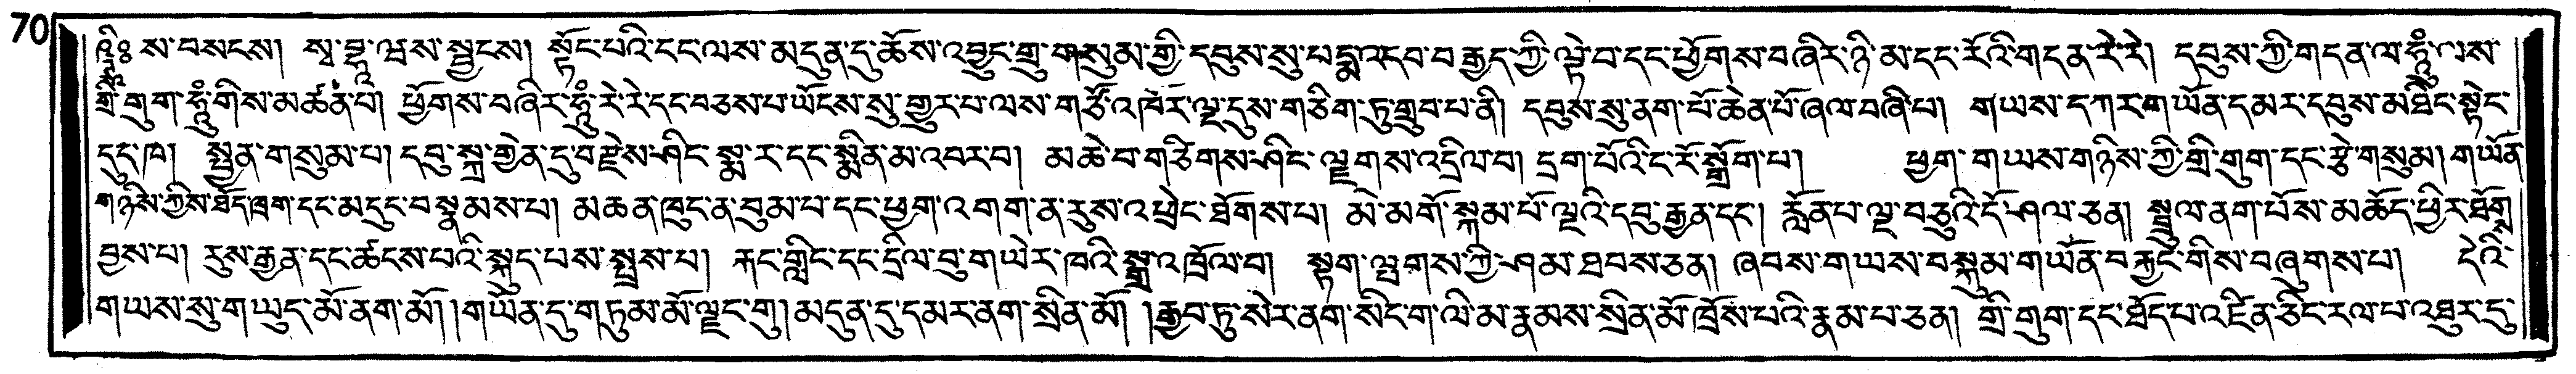ཥྚྲཱིཿ ས་བསངས། སྭ་བྷཱ་ཝས་སྦྱངས། སྟོང་བའི་ངང་ལས་མདུན་དུ་ཆོས་འབྱུང་གྲུ་གསུམ་གྱི་དབུས་སུ་པདམ་འདབ་བརྒྱད་ཀྱི་ལྟེ་བ་དང་ཕྱོགས་བཞིར་ཉི་མ་དང་རོའི་གདན་རེ་རེ། དབུས་ཀྱི་གདན་ལ་ཧཱུཾ་ལས་
གྲི་གུག་ཧཱུཾ་གིས་མཚན་པ། ཕྱོགས་བཞིར་ཧཱུཾ་རེ་རེ་དང་བཅས་པ་ཡོངས་སུ་གྱུར་པ་ལས་གཙོ་འཁོར་ལྔ་དུས་གཅིག་ཏུ་གྲུབ་པ་ནི། དབུས་སུ་ནག་པོ་ཆེན་པོ་ཞལ་བཞི་པ། གཡས་དཀར་གཡོན་དམར་དབུས་མཐིང་སྟེང་
དུད་ཁ། སྤྱན་གསུམ་པ། དབུ་སྐྲ་གྱེན་དུ་བརྫེས་ཤིང་སྨ་ར་དང་སྨིན་མ་འབར་བ། མཆེ་བ་གཙིགས་ཤིང་ལྗགས་འདྲིལ་བ། དྲག་པོའི་ང་རོ་སྒྲོག་པ། ཕྱག་གཡས་གཉིས་ཀྱི་གྲི་གུག་དང་རྩེ་གསུམ། གཡོན་
གཉིས་ཀྱིས་ཐོད་ཁྲག་དང་མདུང་བསྣམས་པ། མཆན་ཁུང་ན་བུམ་པ་དང་ཕྱག་འགག་ན་རུས་འཕྲེང་ཐོགས་པ། མེ་མགོ་སྐམ་པོ་ལྔའི་དབུ་རྒྱན་དང་། རློན་པ་ལྔ་བཅུའི་དོ་ཤལ་ཅན། སྦྲུལ་ནག་པོས་མཆོད་ཕྱིར་ཐོགས་
བྱས་པ། རུས་རྒྱན་དང་ཚངས་པའི་སྐུད་པས་སྤྲས་པ། རྐང་གླིང་དང་དྲིལ་བུ་གཡེར་ཁའི་སྒྲ་འཁྲོལ་བ། སྟག་ལྤགས་ཀྱི་ཤམ་ཐབས་ཅན། ཞབས་གཡས་བསྐུམ་གཡོན་བརྐྱང་གིས་བཞུགས་པ། དེའི་
གཡས་སུ་གཡུད་མོ་ནག་མོ། །གཡོན་དུ་གཏུམ་མོ་ལྗང་གུ། མདུན་དུ་དམར་ནག་སྲིན་མོ། །རྒྱབ་ཏུ་སེར་ནག་སིང་ག་ལི་མ་རྣམས་སྲིན་མོ་ཁྲོས་པའི་རྣམ་པ་ཅན། གྲི་གུག་དང་ཐོད་པ་འཛིན་ཅིང་རལ་པ་འཐུར་དུ་